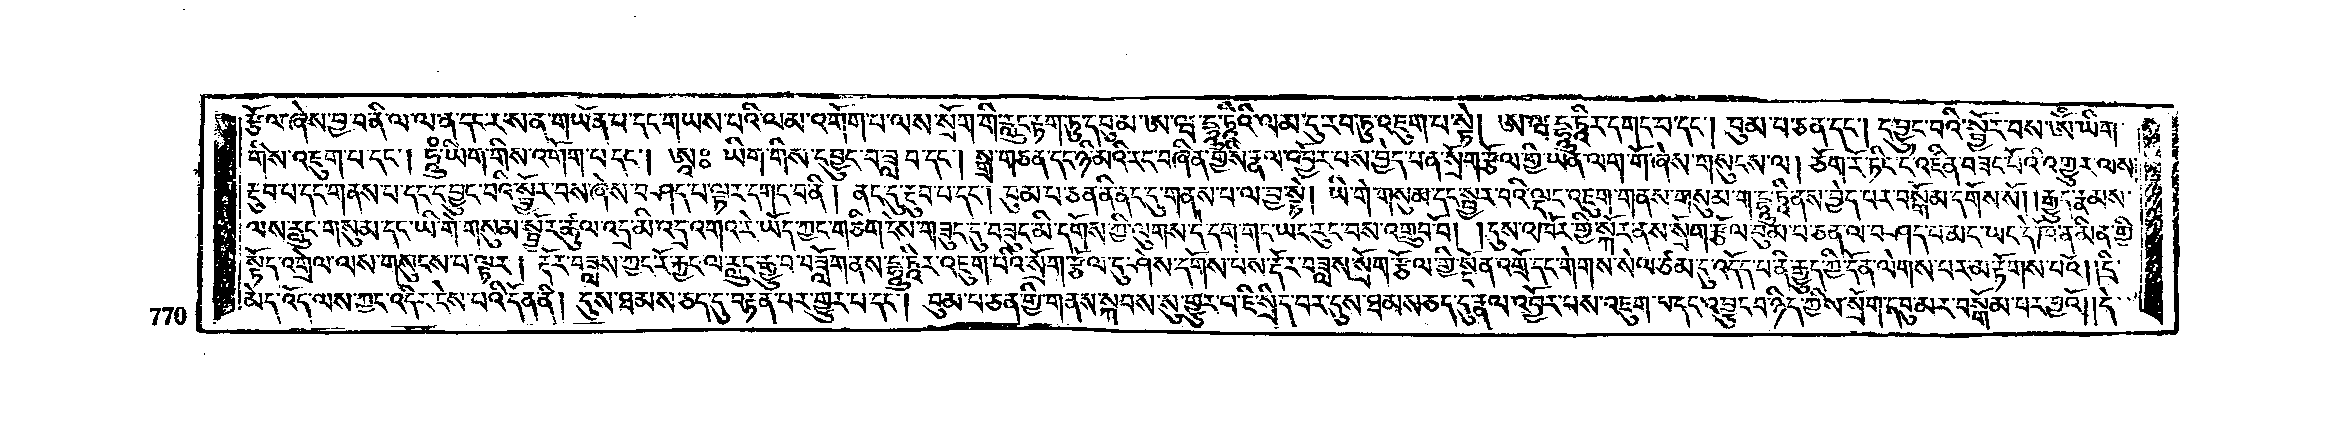རྩོལ་ཞེས་བྱ་བ་ནི་ལ་ལ་ན་དང་ར་ས་ན་གཡོན་པ་དང་གཡས་པའི་ལམ་འགོག་པ་ལས་སྲོག་གི་རླུང་རྟག་ཏུ་དབུ་མ་ཨ་ཝ་དྷཱུ་ཏཱིའི་ལམ་དུ་རབ་ཏུ་འཇུག་པ་སྟེ། ཨ་ཝ་དྷཱུ་ཏཱིར་དགང་བ་དང་། བུམ་པ་ཅན་དང་། དབྱུང་བའི་སྦྱོར་བས་ཨོཾ་ཡིག་
གིས་འཇུག་པ་དང་། ཧཱུཾ་ཡིག་གིས་འགོག་པ་དང་། ཨཱཿ ཡིག་གིས་དབྱུང་བ་ཟླ་བ་དང་། སྒྲ་གཅན་དང་ཉི་མའི་རང་བཞིན་གྱིས་རྣལ་འབྱོར་བས་བྱེད་པ་ན་སྲོག་རྩོལ་གྱི་ཡན་ལག་གོ་ཞེས་གསུངས་ལ། ཅོག་རོ་ཏིང་ངེ་འཛིན་བཟང་པོའི་འགྱུར་ལས།
རྔུབ་པ་དང་གནས་པ་དང་དབྱུང་བའི་སྦྱོར་བས་ཞེས་བཤད་པ་ལྟར་དགང་བ་ནི། ནང་དུ་རྔུབ་པ་དང་། བུམ་པ་ཅན་ནི་ནང་དུ་གནས་པ་ལ་བྱ་སྟེ། ཡི་གེ་གསུམ་དང་སྦྱར་བའི་ལྡང་འཇུག་གནས་གསུམ་ག་དྷཱུ་ཏཱི་ནས་བྱེད་པར་བསྒོམ་དགོས་སོ། །རྒྱུད་རྣམས་
ལས་རླུང་གསུམ་དང་ཡི་གེ་གསུམ་སྦྱོར་ཚུལ་འདྲ་མི་འདྲ་འགའ་རེ་ཡོད་ཀྱང་གཅིག་ངེས་གཟུང་དུ་བཟུང་མི་དགོས་ཀྱི་ལུགས་དེ་དག་གང་ཡང་རུང་བས་འགྲུབ་བོ། །དུས་འཁོར་གྱི་སྐོར་ནས་སྲོག་རྩོལ་བུམ་པ་ཅན་ལ་བཤད་པ་མང་ཡང་དེ་ཁོ་ན་མིན་གྱི་
སྟོད་འགྲེལ་ལས་གསུངས་པ་ལྟར། རྡོར་བཟླས་ཀྱང་རོ་རྐྱང་ལ་རླུང་རྒྱུ་བ་བཟློག་ནས་དྷཱུ་ཏཱིར་འཇུག་པའི་སྲོག་རྩོལ་དུ་ཤེས་དགོས་པས་རྡོར་བཟླས་སྲོག་རྩོལ་གྱི་སྔོན་འགྲོ་དང་གེགས་སེལ་ཙམ་དུ་འདོད་པ་ནི་རྒྱུད་ཀྱི་དོན་ལེགས་པར་མ་རྟོགས་པའོ། །དྲི་
མེད་འོད་ལས་ཀྱང་འདིར་ངེས་པའི་དོན་ནི། །དུས་ཐམས་ཅད་དུ་བརྟན་པར་གྱུར་པ་དང་། བུམ་པ་ཅན་གྱི་གནས་སྐབས་སུ་གྱུར་པ་ཇི་སྲིད་བར་དུས་ཐམས་ཅད་དུ་རྣལ་འབྱོར་པས་འཇུག་པ་དང་འབྱུང་བ་ཉིད་ཀྱིས་སྲོག་དབུ་མར་བསྒོམ་པར་བྱའོ། །དེ་